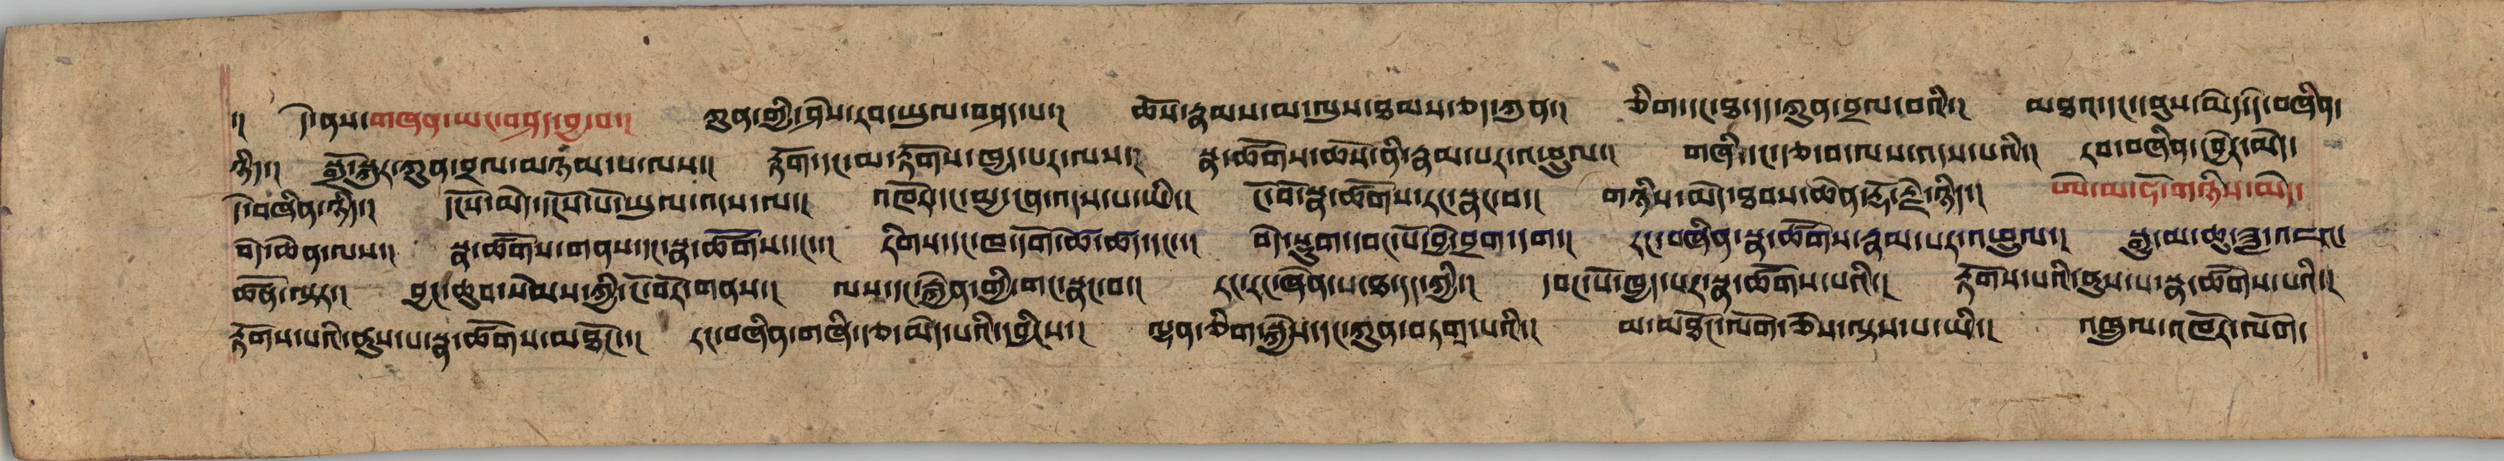་། དེ་ནས་གཞན་ཡང་བཤད་བྱ་བ་། ཀུན་གྱི་ཤེས་རབ་ཡུལ་བཤད་པ་། ཆོས་རྣམས་མ་ལུས་ཐམས་ཅད་ཀུན་། ཅིག་དང་ཐ་དད་ཀུན་བྲལ་བའི་། མཐའ་དང་དབུས་མེད་དེ་བཞིན་
ཉིད་། སྒྲོ་སྐུར་ཀུན་བྲལ་མཉམ་པ་ལས་། རྟོག་དང་མ་རྟོགས་ཁྱད་པར་ལས་། སྣ་ཚོགས་ཆོས་ནི་རྣམ་པར་འཕྲུལ་། གཞི་དང་རྩ་བ་ལས་འདས་པའི་། རབ་བཞིན་དབྱེར་མེད་
དེ་བཞིན་ཉིད་། དངོས་མེད་དངོས་པོ་ཡུལ་འདས་ལ་། འཁོར་དང་མྱ་ངན་འདས་པ་ཡི་། ངོ་བོ་སྣ་ཚོགས་རང་སྣང་བ་། གཉིས་མེད་ཐབས་ཆེན་རྡོ་རྗེ་ཉིད་། ཨེ་མ་ཧོ་གཉིས་མེད་
བདེ་ཆེན་ལས་། སྣ་ཚོགས་གནས་དང་སྣ་ཚོགས་དང་་། རིགས་དང་ཁ་དོག་ཚེ་ཚད་དང་་། བདེ་སྡུག་དབང་པོ་བྱེད་བྲག་དག་། རང་བཞིན་སྣ་ཚོགས་རྣམ་པར་འཕྲུལ་། སྒྱུ་མ་ཆུ་ཟླ་འཇའ་
ཚོན་ལྟར་། བྱང་ཆུབ་སེམས་ཀྱི་ངོ་བོར་གནས་། ལས་དང་རྐྱེན་གྱི་གང་སྣང་བ་། རང་རང་ཞེན་པ་ཐ་དད་ཀྱི་། དབང་པོ་ཁྱད་པར་སྣ་ཚོགས་པའི་། རྟོགས་པའི་ནུས་པ་སྣ་ཚོགས་པའི་།
རྟོགས་པའི་ནུས་པ་སྣ་ཚོགས་མཐོང་་། རང་བཞིན་གཞི་རྩ་མེད་པའི་དབྱིངས་། ལྷན་ཅིག་སྐྱེས་དང་ཀུན་བཏགས་པའི་། མ་མཐོང་ལོག་ཅེས་ལྟས་པ་ཡི་། འཁྲུལ་འཁོར་ལོག་